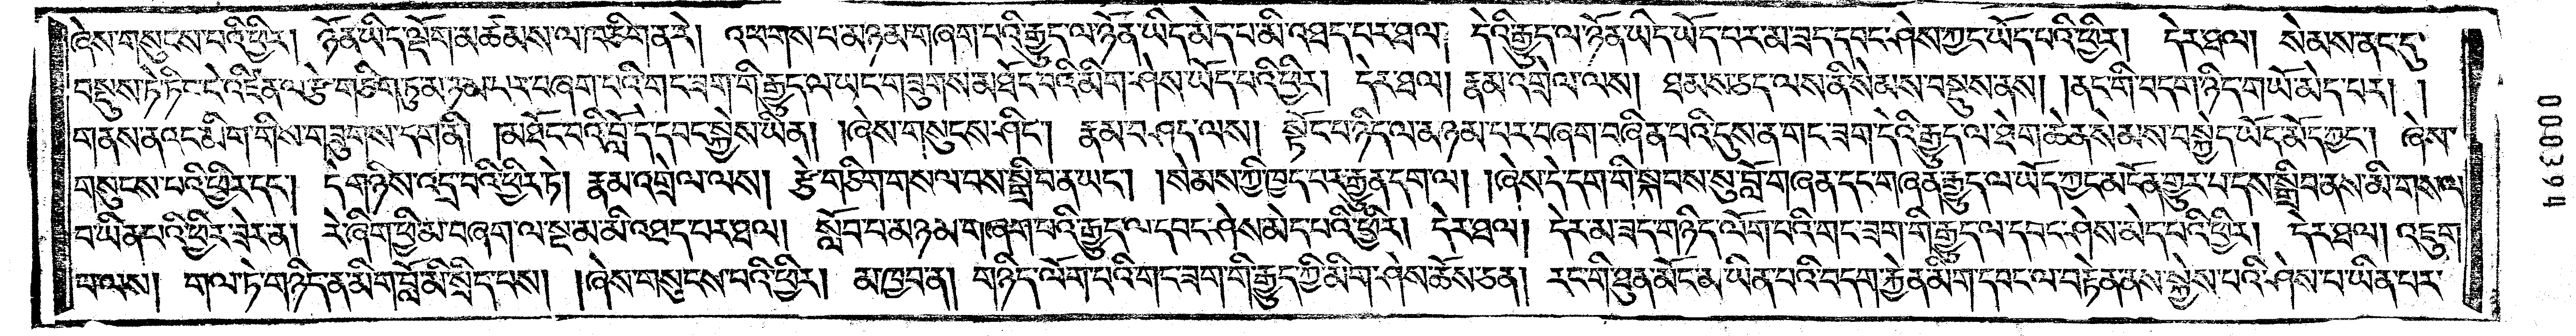ཞེས་གསུངས་པའི་ཕྱིར། ཉོན་ཡིད་ལྡོག་མཚམས་ལ་ཁ་ཅིག་ན་རེ། འཕགས་པ་མཉམ་གཞག་པའི་རྒྱུད་ལ་ཉོན་ཡིད་མེད་པ་མི་འཐད་པར་ཐལ། དེའི་རྒྱུད་ལ་ཉོན་ཡིད་ཡོད་པར་མ་ཟད་དབང་ཤེས་ཀྱང་ཡོད་པའི་ཕྱིར། དེར་ཐལ། སེམས་ནང་དུས་
བསྡུས་ཏེ་ཏིང་ངེ་འཛིན་ལ་རྩེ་གཅིག་ཏུ་མཉམ་པར་བཞག་པའི་གང་ཟག་གི་རྒྱུད་ལ་ཡང་གཟུགས་མཐོང་བའི་མིག་ཤེས་ཡོད་པའི་ཕྱིར། དེར་ཐལ། རྣམ་འགྲེལ་ལས། ཐམས་ཅད་ལས་ནི་སེམས་བསྡུས་ནས། །ནང་གི་བདག་ཉིད་གཡོ་མེད་པར། །
གནས་ནའང་མིག་གིས་གཟུགས་དག་ནི། །མཐོང་བའི་བློ་དེ་དབང་སྐྱེས་ཡིན། །ཞེས་གསུངས་ཤིང་། རྣམ་བཤད་ལས། སྟོང་བ་ཉིད་ལ་མཉམ་པར་བཞག་བཞིན་པའི་དུས་ན་གནག་ཟག་དེའི་རྒྱུད་ལ་ཐེག་ཆེན་སེམས་བསྐྱེད་ཡོད་མོད་ཀྱང་། ཞེས་
གསུངས་པའི་ཕྱིར་དང་། དེ་གཉིས་འདྲ་བའི་ཕྱིར་ཏེ། རྣམ་འགྲེལ་ལས། རྩེ་གཅིག་གསལ་པས་སྒྲིབ་ན་ཡང་། །སེམས་ཀྱི་ཁྱད་པར་རྒྱུན་དག་ལ། །ཞེས་དེ་དག་གི་སྐབས་སུ་བློ་གཞན་དང་གཞན་རྒྱུད་ལ་ཡོད་ཀྱང་མངོན་གྱུར་པ་དས་སྒྲིབ་ནས་མི་གསལ་
བ་ཡིན་པའི་ཕྱིར་ཟེར་ན། རེ་ཞིག་ཕྱི་མ་བཞག་ལ་སྔ་མ་མི་འཐད་པར་ཐལ། སློབ་པ་མཉམ་གཞག་བའི་རྒྱུད་ལ་དབང་ཤེས་མེད་པའི་ཕྱིར། དེར་ཐལ། དེར་མ་ཟད་གཉིད་ལོག་པའི་གང་ཟག་གི་རྒྱུད་ལ་དབང་ཤེས་མེད་པའི་ཕྱིར། དེར་ཐལ། འཇུག་
པ་ལས། གལ་ཏེ་གཉིད་ན་མིག་བློ་མི་སྲིད་བས། །ཞེས་གསུངས་བའི་ཕྱིར། མ་ཁྱབ་ན། གཉིད་ལོག་པའི་གང་ཟག་གི་རྒྱུད་ཀྱི་མིག་ཤེས་ཆོས་ཅན། རང་གི་ཐུན་མོང་མ་ཡིན་པའི་བདག་རྐྱེན་མིག་དབང་ལ་བརྟེན་ནས་སྐྱེས་པའི་ཤེས་པ་ཡིན་པར་